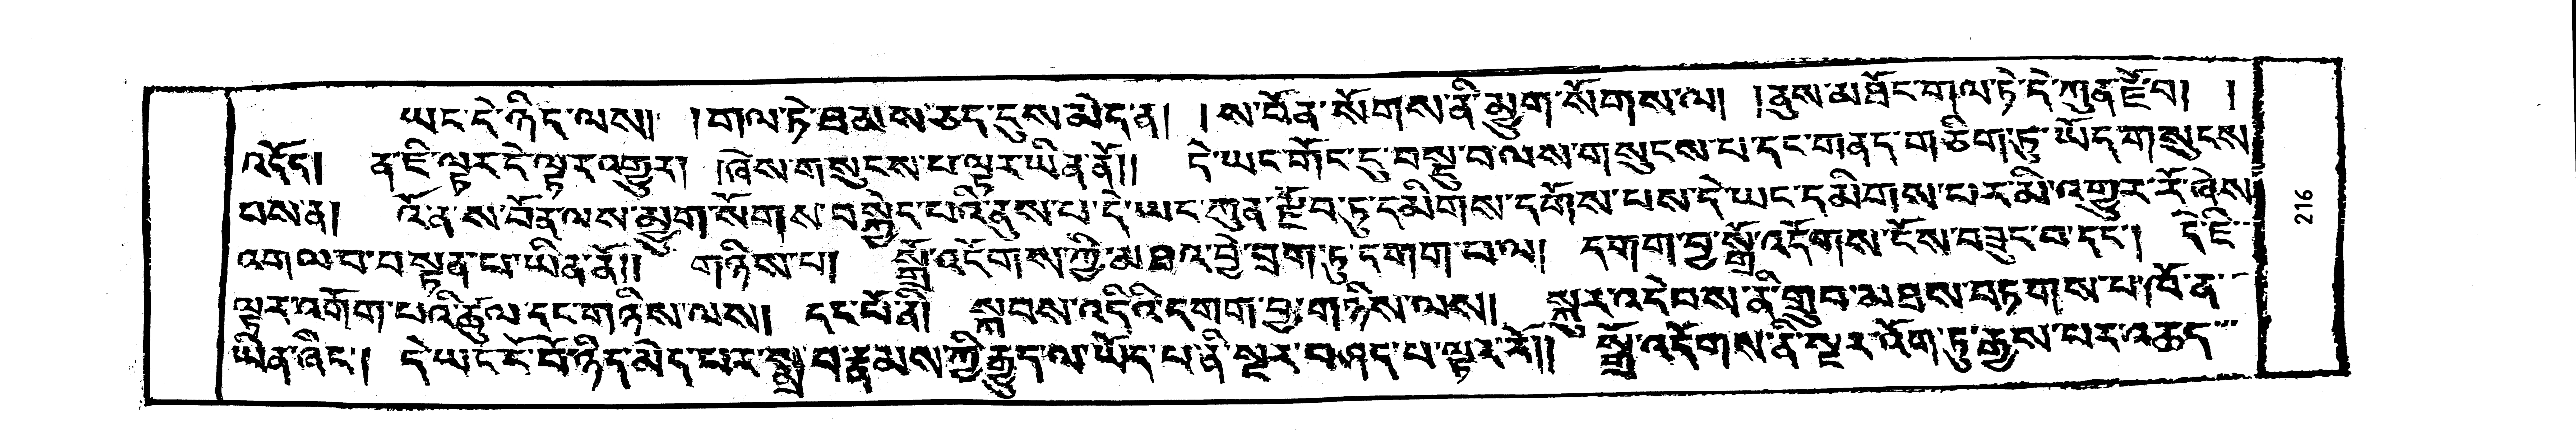ཡང་དེ་ཉིད་ལས། །གལ་ཏེ་ཐམས་ཅད་ནུས་མེད་ན། །ས་བོན་སོགས་ནི་མྱུག་སོགས་ལ། །ནུས་མཐོང་གལ་ཏེ་དེ་ཀུན་རྫོབ། །
འདོད། ན་ཇི་ལྟར་དེ་ལྟར་འགྱུར། །ཞེས་གསུངས་པ་ལྟར་ཡིན་ནོ། །དེ་ཡང་གོང་དུ་བསྡུ་བ་ལས་གསུངས་པ་དང་གནད་གཅིག་ཏུ་ཡོད་གསུངས་
པས་ན། འོ་ན་ས་བོན་ལས་མྱུག་སོགས་བསྐྱེད་པའི་ནུས་པ་དེ་ཡང་ཀུན་རྫོབ་ཏུ་དམིགས་དགོས་པས་དེ་ཡང་དམིགས་པར་མི་འགྱུར་རོ་ཞེས་
འགལ་བ་བསྟན་པ་ཡིན་ནོ། །གཉིས་པ། སྒྲོ་འདོགས་ཀྱི་མཐའ་བྱེ་བྲག་ཏུ་དགག་པ་ལ། དགག་བྱ་སྒྲོ་འདོགས་ངོས་བཟུང་བ་དང་། དེ་ཇི་
ལྟར་འགོག་པའི་ཚུལ་དང་གཉིས་ལས། དང་པོ་ནི། སྐབས་འདིའི་དགག་བྱ་གཉིས་ལས། སྐུར་འདེབས་ནི་གྲུབ་མཐས་བཏགས་པ་ཁོ་ན་
ཡིན་ཞིང་། དེ་ཡང་ངོ་བོ་ཉིད་མེད་པར་སྨྲ་བ་རྣམས་ཀྱི་རྒྱུད་ལ་ཡོད་པ་ནི་སྔར་བཤད་པ་ལྟར་རོ། །སྒྲོ་འདོགས་ནི་སྔར་འོག་ཏུ་རྒྱས་པར་འཆད་